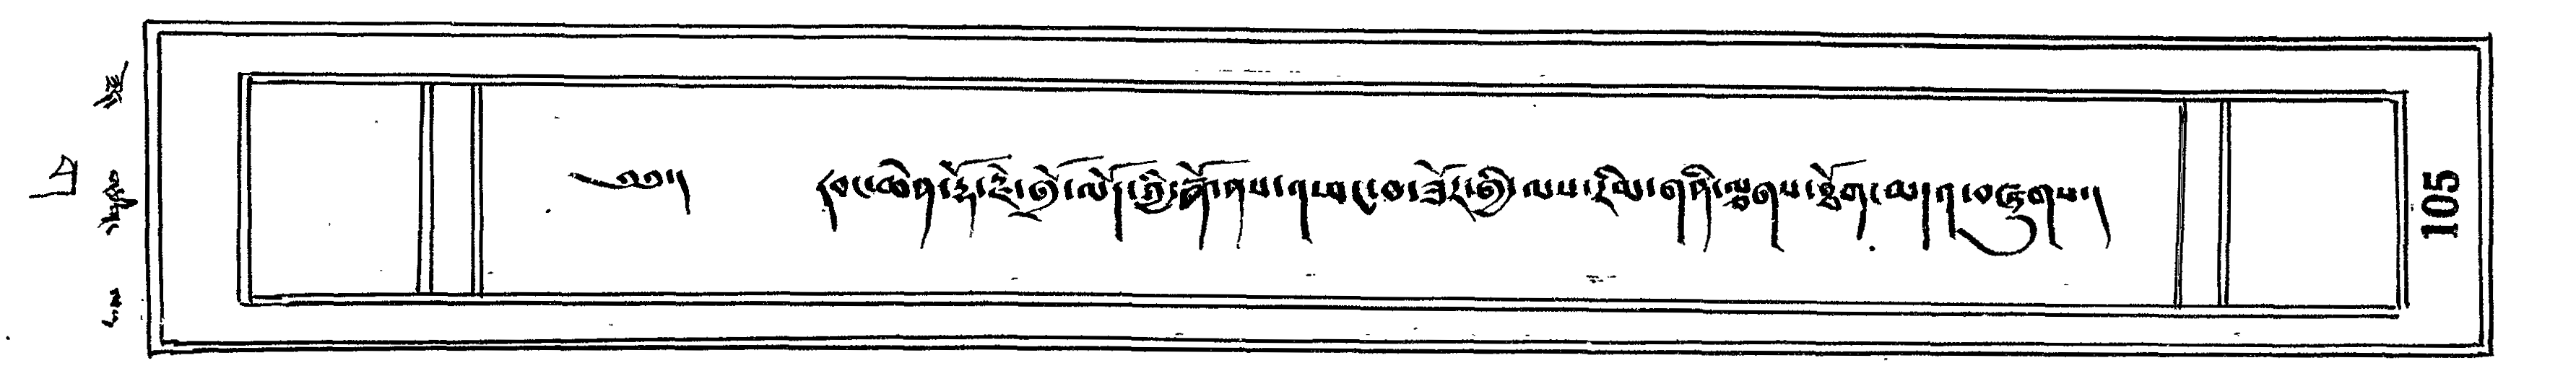༄༅། དབང་ཆེན་རྡོ་རྗེ་གྲོ་ལོད་ཀྱི་སྒོ་ནས་འཕང་བ་ཟོར་གྱི་ལས་རིམ་གནམ་ལྕགས་ཐོག་མདའ་བཞུགས།